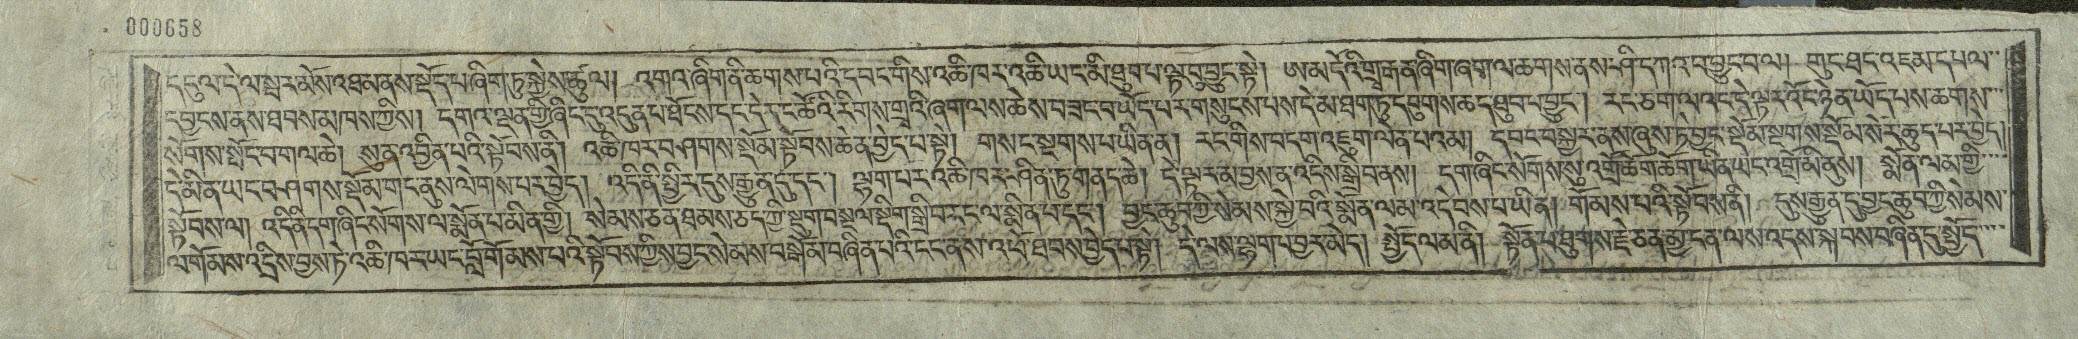དངུལ་དེ་ལ་སྦར་མོས་འཐམ་ནས་སྡོད་པ་ཞིག་ཏུ་སྐྱེས་ཚུལ། འགའ་ཞིག་ནི་ཆགས་པའི་དབང་གིས་འཆི་ཁར་འཆི་ཡང་མི་ཐུབ་པ་ལྟ་བུ་བྱུང་སྟེ། ཨ་མདོའི་གྲྭ་རྒན་ཞིག་ཞག་ལ་ཆགས་ནས་ཤི་དཀའ་བ་བྱུང་བ་ལ། གུང་ཐང་འཇམ་དཔལ་
དབྱངས་ནས་ཐབས་མཁས་ཀྱིས། དགའ་ལྡན་གྱི་ཞིང་དུ་འདུན་པ་ཐོངས་དང་དེར་ང་ཚོའི་རིགས་གྲྭའི་ཞག་ལས་ཆེས་བཟང་བ་ཡོད་པར་གསུངས་པས་དེ་མ་ཐག་ཏུ་དབུགས་ཆད་ཐུབ་པ་བྱུང་། རང་ཅག་ལའང་དེ་ལྟར་འོང་ཉེན་ཡོད་པས་ཆགས་
སོགས་སྤོང་བ་གལ་ཆེ། སུན་འབྱིན་པའི་སྟོབས་ནི། འཆི་ཁར་བཤགས་སྡོམ་སྟོབས་ཆེན་བྱེད་པ་སྟེ། གསང་སྔགས་པ་ཡིན་ན། རང་གིས་བདག་འཇུག་ལེན་པའམ། དབང་བསྐྱར་ནས་ཞུས་ཏེ་བྱང་སྡོམ་སྔགས་སྡོམ་སོར་ཆུད་པར་བྱེད།
དེ་མིན་ཡང་བཤགས་སྡོམ་གང་ནུས་ལེགས་པར་བྱེད། འདི་ནི་སྤྱིར་དུས་རྒྱུན་དུ་དང་། ལྷག་པར་འཆི་ཁར་ཤིན་ཏུ་གནད་ཆེ། དེ་ལྟར་མ་བྱས་ན་འདིས་སྒྲིབ་ནས། དག་ཞིང་སོགས་སུ་འགྲོ་ཆོག་ཆོག་ཡིན་ཡང་འགྲོ་མི་ནུས། སྨོན་ལམ་གྱི་
སྟོབས་ལ། འདི་ནི་དག་ཞིང་སོགས་ལ་སྨོན་པ་མིན་གྱི། སེམས་ཅན་ཐམས་ཅད་ཀྱི་སྡུག་བསྔལ་སྡིག་སྒྲིབ་རང་ལ་སྨིན་པ་དང་། བྱང་ཆུབ་ཀྱི་སེམས་སྐྱེ་བའི་སྨོན་ལམ་འདེབས་པ་ཡིན། གོམས་པའི་སྟོབས་ནི། དུས་རྒྱུན་དུ་བྱང་ཆུབ་ཀྱི་སེམས་
ལ་གོམས་འདྲིས་བྱས་ཏེ་འཆི་ཁར་ཡང་བློ་གོམས་པའི་སྟོབས་ཀྱིས་བྱང་སེམས་བསྒོམ་བཞིན་པའི་ངང་ནས་འཕོ་ཐབས་བྱེད་པ་སྟེ། དེ་ལས་ལྷག་པ་བྱར་མེད། སྤྱོད་ལམ་ནི། སྟོན་པ་ཐུགས་རྗེ་ཅན་མྱ་ངན་ལས་འདས་སྐབས་བཞིན་དུ་སྤྱོད་